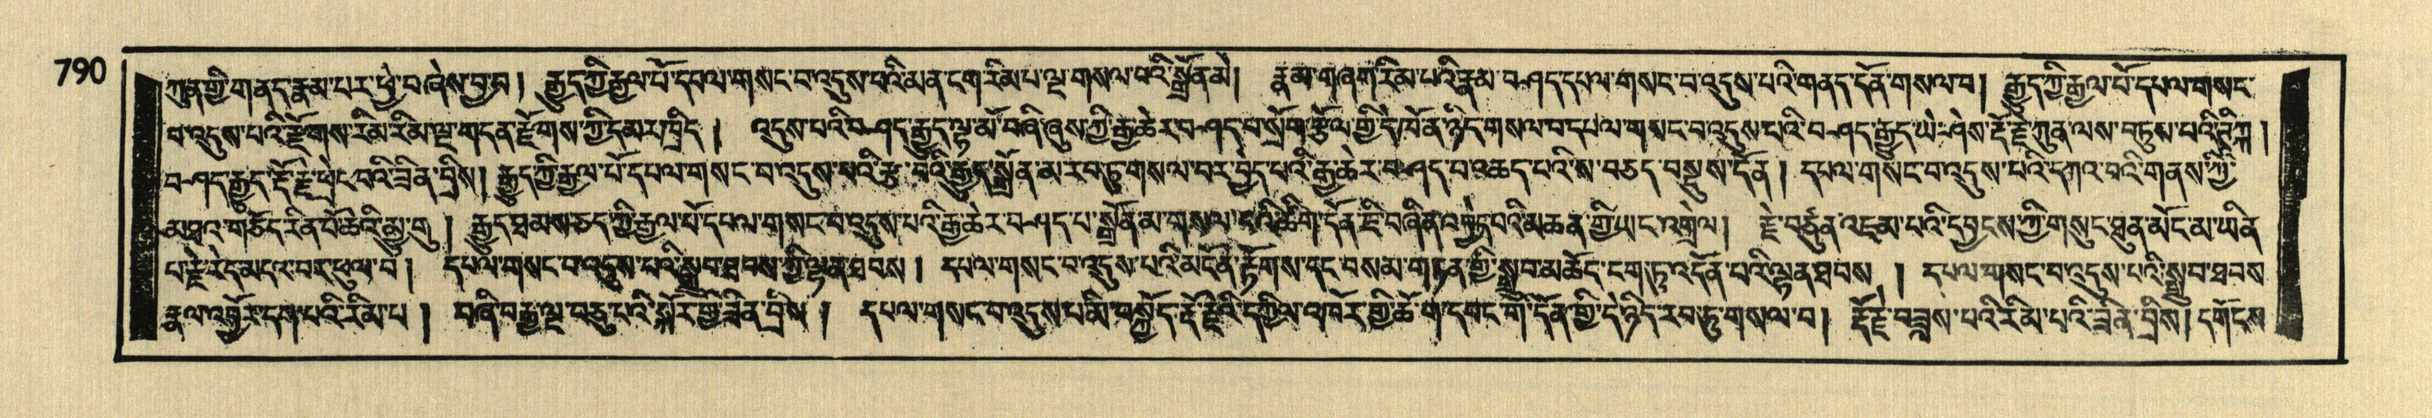ཀུན་གྱི་གནད་རྣམ་པར་ཕྱེ་བཞེས་བྱ་བ། རྒྱུད་ཀྱི་རྒྱལ་པོ་དཔལ་གསང་བ་འདུས་པའི་མན་ངག་རིམ་པ་ལྔ་གསལ་བའི་སྒྲོན་མེ། རྣམ་གཞག་རིམ་པའི་རྣམ་བཤད་དཔལ་གསང་བ་འདུས་པའི་གནད་དོན་གསལ་བ། རྒྱུད་ཀྱི་རྒྱལ་པོ་དཔལ་གསང་
བ་འདུས་པའི་རྫོགས་རིམ་རིམ་ལྔ་གདན་རྫོགས་ཀྱི་དམར་ཁྲིད། འདུས་པའི་བཤད་རྒྱུད་ལྷ་མོ་བཞི་ཞུས་ཀྱི་རྒྱ་ཆེར་བཤད་པ་སྲོག་རྩོལ་གྱི་དེ་ཁོ་ན་ཉིད་གསལ་བ་དཔལ་གསང་བ་འདུས་པའི་བཤད་རྒྱུད་ཡེ་ཤེས་རྡོ་རྗེ་ཀུན་ལས་བཏུས་པའི་ཊཱིཀྐ།
བཤད་རྒྱུད་རྡོ་རྗེ་ཕྲེང་བའི་ཟིན་བྲིས། རྒྱུད་ཀྱི་རྒྱལ་པོ་དཔལ་གསང་བ་འདུས་པའི་རྩ་བའི་རྒྱུད་སྒྲོན་མ་རབ་ཏུ་གསལ་བར་བྱེད་པའི་རྒྱ་ཆེར་བཤད་པ་འཆད་པའི་ས་བཅད་བསྡུས་དོན། དཔལ་གསང་བ་འདུས་པའི་དཀའ་བའི་གནས་ཀྱི་
མཐའ་གཅོད་རིན་པོ་ཆེའི་མྱུ་གུ། རྒྱུད་ཐམས་ཅད་ཀྱི་རྒྱལ་པོ་དཔལ་གསང་བ་འདུས་པའི་རྒྱ་ཆེར་བཤད་པ་སྒྲོན་མ་གསལ་བའི་ཚིག་དོན་ཇི་བཞིན་འབྱེད་པའི་མཆན་གྱི་ཡང་འགྲེལ། རྗེ་བཙུན་འཇམ་པའི་དབྱངས་ཀྱི་གསུང་ཐུན་མོང་མ་ཡིན་
པ་རྗེ་རེད་མངའ་བར་ཕུལ་བ། དཔལ་གསང་བ་འདུས་པའི་སྒྲུབ་ཐབས་ཀྱི་ལྷན་ཐབས། དཔལ་གསང་བ་འདུས་པའི་མངོན་རྟོགས་དང་བསམ་གཏན་གྱི་སྒྲུབ་མཆོད་ངག་ཏུ་འདོན་པའི་ལྷན་ཐབས་།དཔལ་གསང་བ་འདུས་པའི་སྒྲུབ་ཐབས་
རྣལ་འབྱོར་དག་པའི་རིམ་པ། བཞི་བརྒྱ་ལྔ་བཅུ་པའི་སྐོར་གྱི་ཟིན་བྲིས། དཔལ་གསང་བ་འདུས་པ་མི་བསྐྱོད་རྡོ་རྗེའི་དཀྱིལ་འཁོར་གྱི་ཆོ་ག་དབང་གི་དོན་གྱི་དེ་ཉིད་རབ་ཏུ་གསལ་བ། རྡོ་རྗེ་བཟླས་པའི་རིམ་པའི་ཟིན་བྲིས། དགོངས་